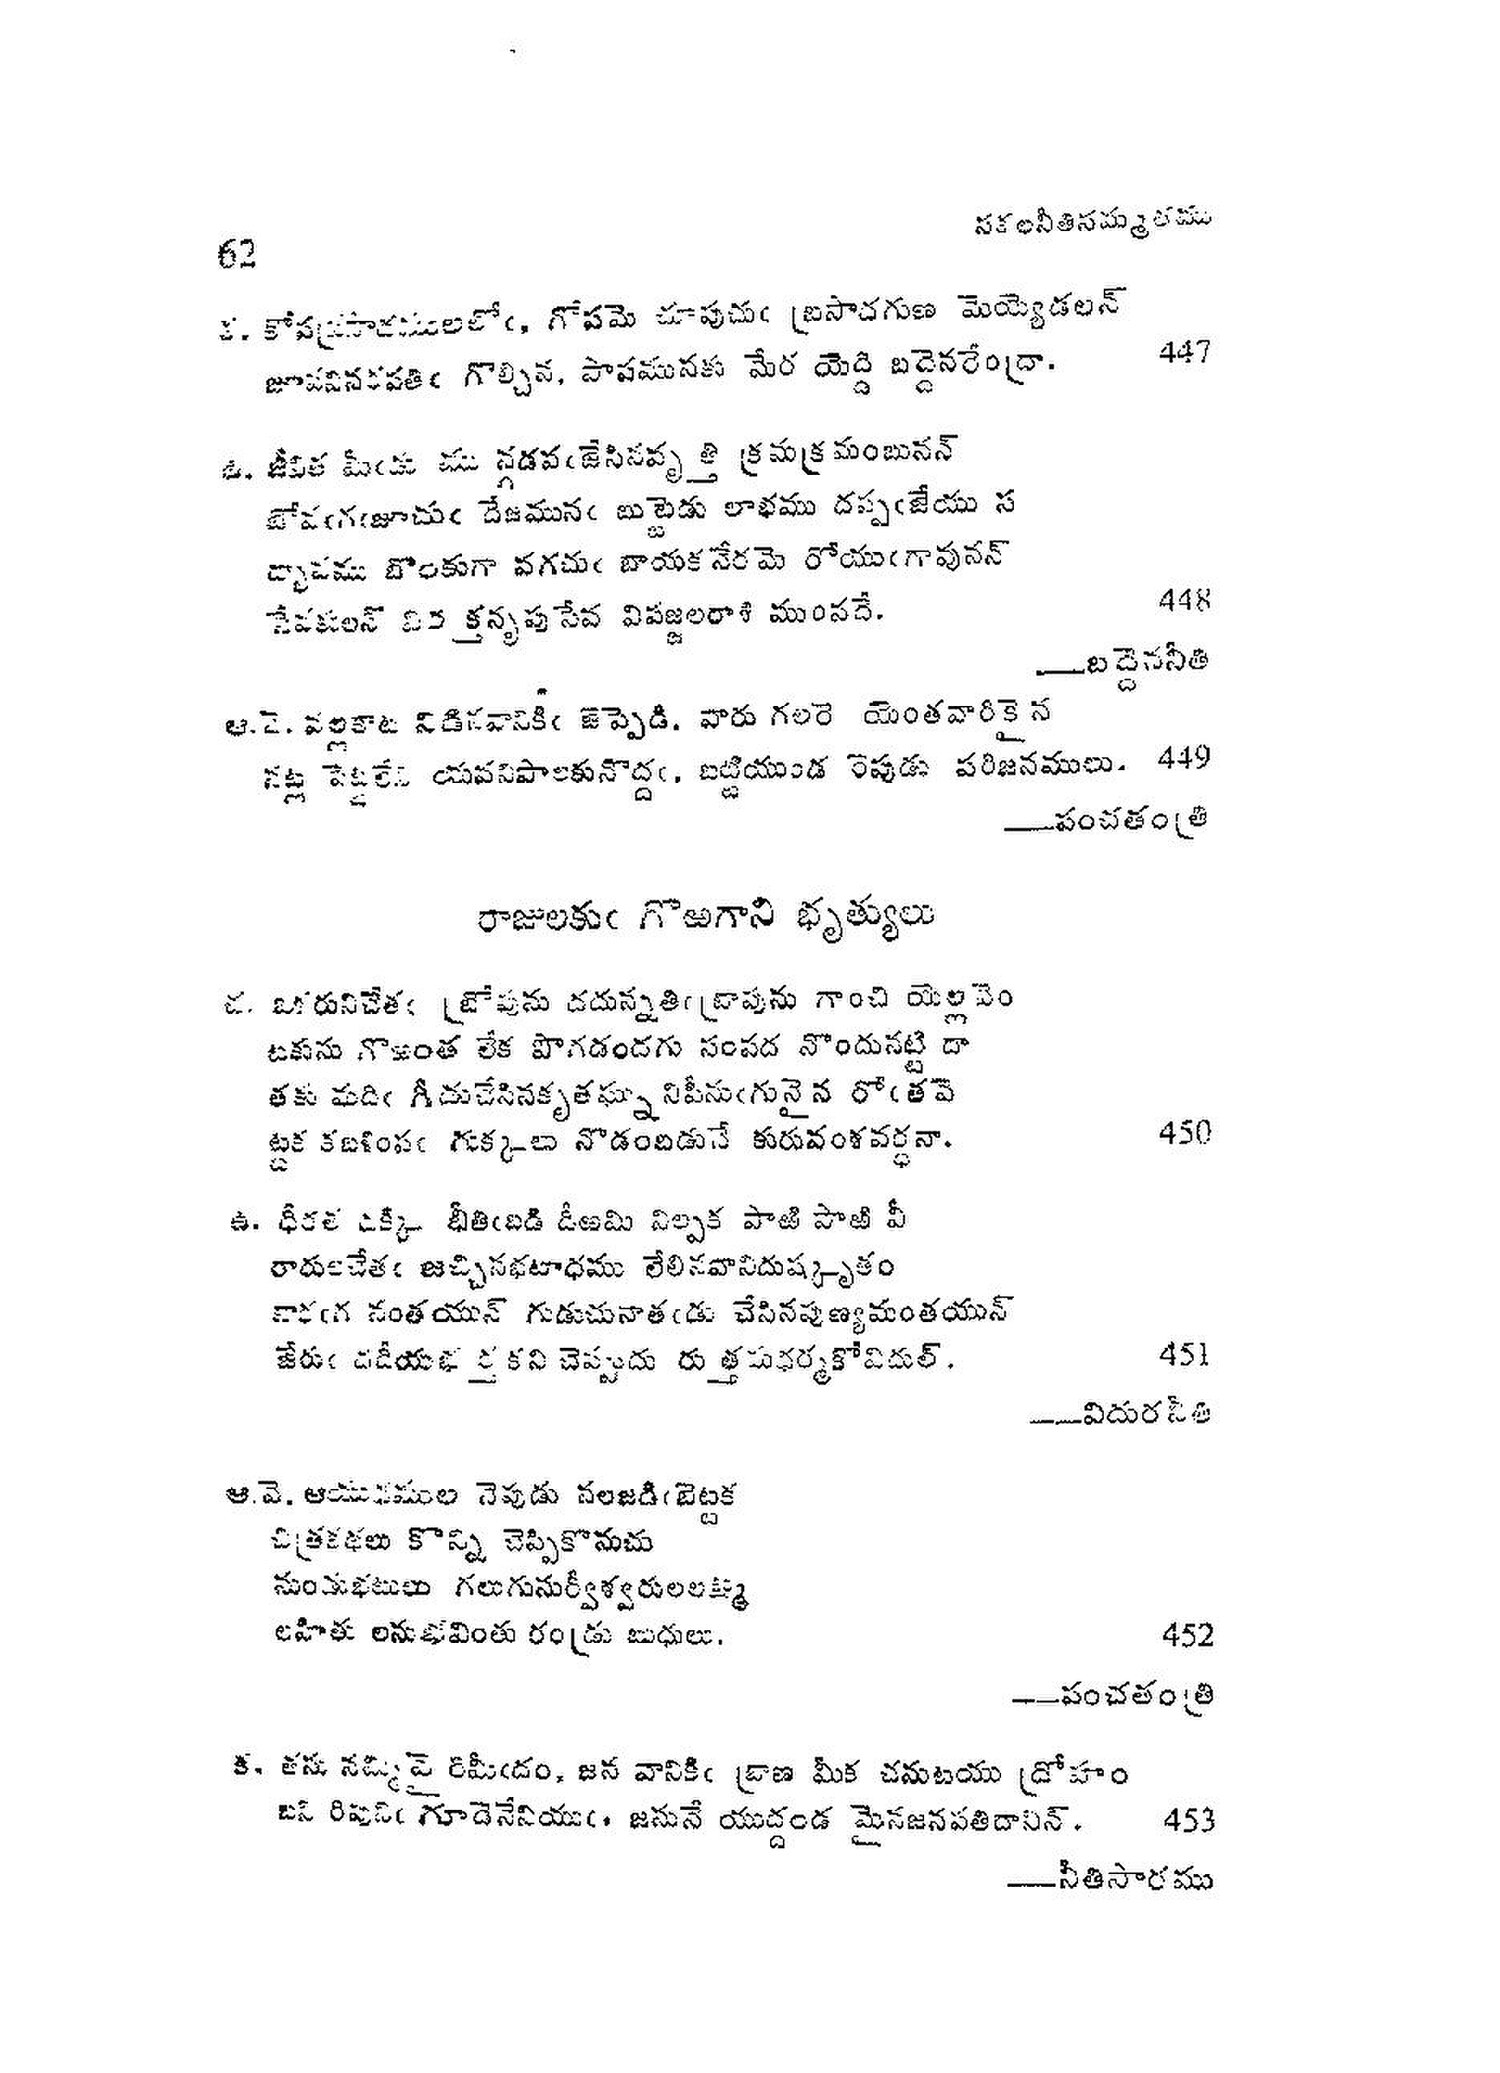క. కోపప్రసాదములలోఁ
గోపమె చూపుచుఁ బ్రసాదగుణ మెయ్యెడలన్
జూపని నరపతిఁ గొల్చిన
పాపమునకు మేర యెద్ది బద్దెనరేంద్రా. 447

ఉ. జీవిత మీఁడు ము న్గడవఁజేసినవృత్తి క్రమక్రమంబునన్
బోవఁగఁజూచుఁ దేజమునఁ బుట్టెడు లాభము దప్పఁజేయు స
ద్భావము బొంకుగా వగచుఁ బాయక నేరమె రోయుఁగావునన్
సేవకులన్ విరక్తనృపుసేవ విపజ్జలరాశి ముంపదే. 448

ఆ. వల్లకాట నిడినవానికిఁ జెప్పెడి
వారు గలరె యెంతవారికైన
నట్ల పెట్టలేని యవనిపాలకునొద్దఁ
బట్టియుండ రెపుడు పరిజనములు. 449

చ. ఒకరునిచేతఁ బ్రోపును దదున్నతిఁబ్రాపును గాంచి యెల్లవెం
టకును గొఱంత లేక పొగడందగు సంపద నొందునట్టి దా
తకు మదిఁ గీడుచేసినకృతఘ్నునిపీనుఁగునైన రోఁత వె
ట్టక కబళింపఁ గుక్కలు నొడంబడునే కురువంశవర్ధనా. 450

ఉ. ధీరత దక్కి భీతిఁబడి దీఱమి నిల్పక పాఱి పాఱి వీ
రారులచేతఁ జచ్చినభటాధము లేలినవానిదుష్కృతం
బారఁఘ నంతయున్ గుడుచునాతఁడు చేసినపుణ్యమంతయున్
జేరుఁ దదీయభర్తకని చెప్పుదు రుత్తమధర్మకోవిదుల్. 451

ఆ. ఆయుధముల నెపుడు నలజడిఁ బెట్టక
చిత్రకథలు కొన్ని చెప్పికొనుచు
నుండు భటులు గలుగు నుర్వీశ్వరులలక్ష్ము
లహితు లనుభవింతు రండ్రు బుధులు. 452

క. తను నమ్మి వైరిమీఁదం
జన వానికిఁ బ్రాణ మీక చనుటయు ద్రోహం
బని రిపునిఁ గూడెనేనియుఁ
జనునే యుద్దండ మైన జనపతి దానిన్. 453